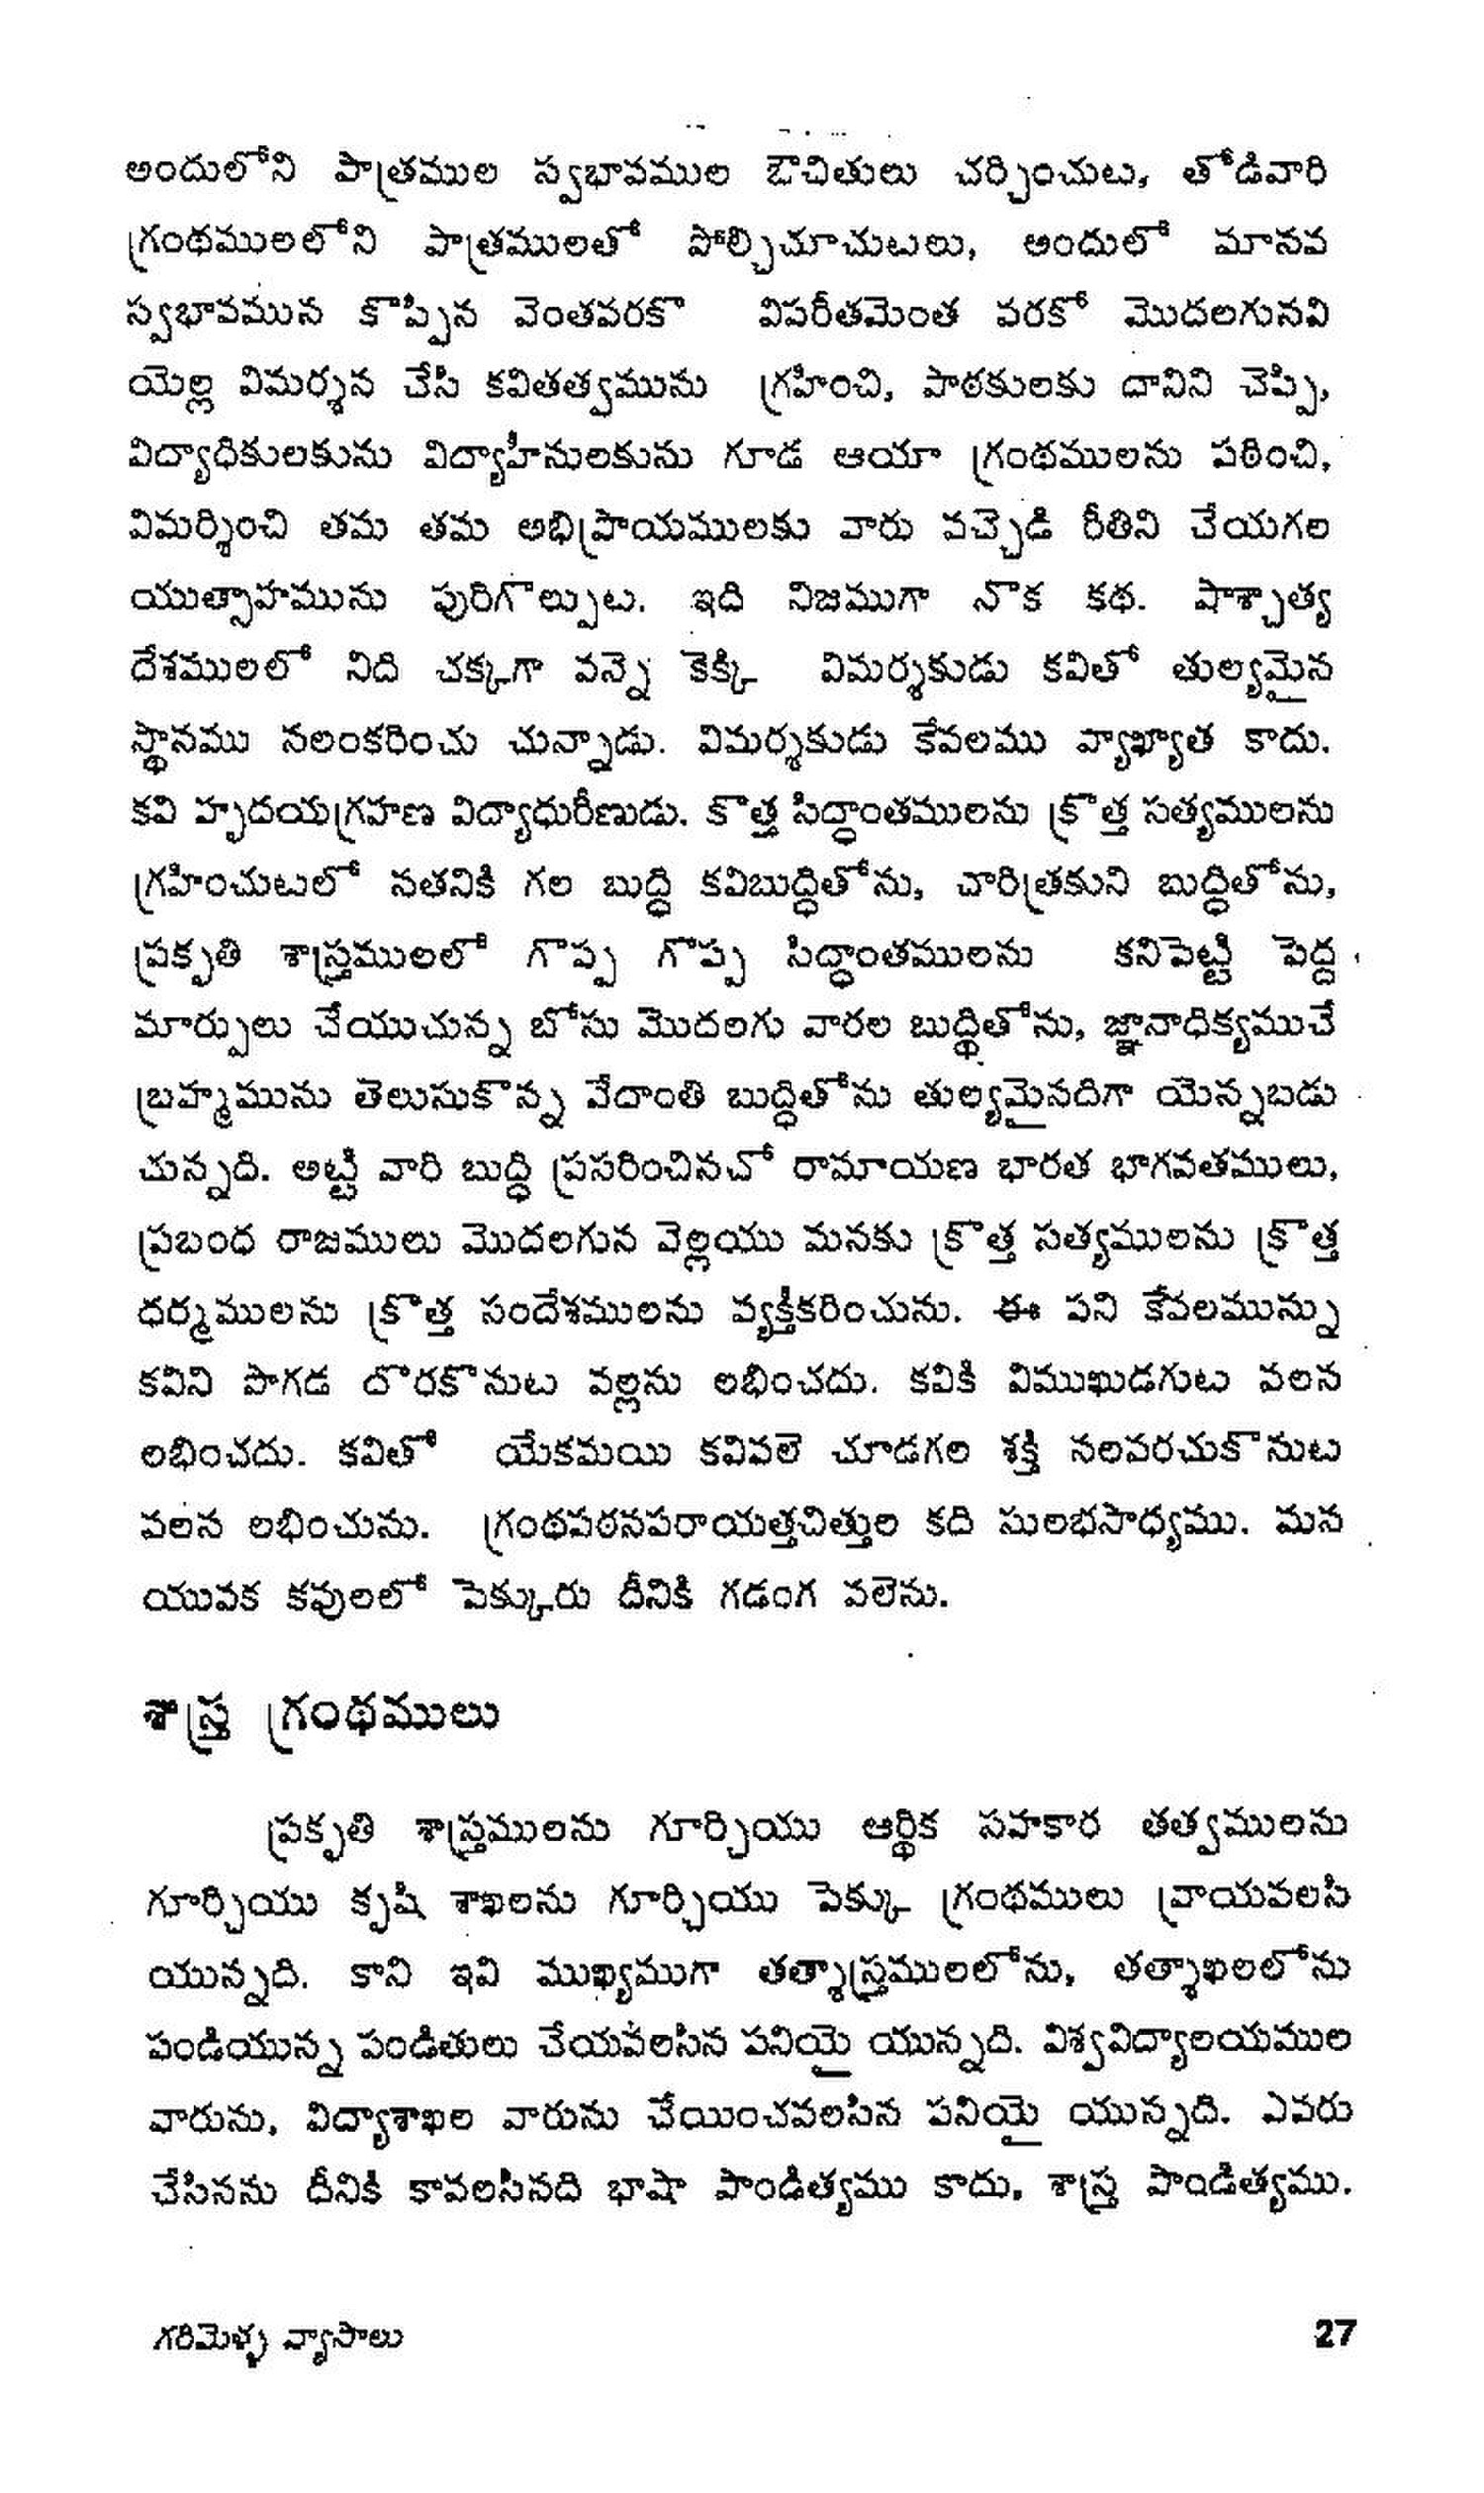అందులోని పాత్రముల స్వభావముల ఔచితులు చర్చించుట, తోడివారి గ్రంథములలోని పాత్రములతో పోల్చిచూచుటలు, అందులో మానవస్వభావమున కొప్పిన నెంతవరకొ విపరీతమెంత వరకో మొదలగునవి యెల్ల విమర్శన చేసి కవితత్వమును గ్రహించి, పాఠకులకు దానిని చెప్పి, విద్యాధికులకును విద్యాహీనులకును గూడ ఆయా గ్రంథములను పఠించి, విమర్శించి తమ తమ అభిప్రాయములకు వారు వచ్చెడి రీతిని చేయగల యుత్సాహమును పురిగొల్పుట. ఇది నిజముగా నొక కథ. పాశ్చాత్యదేశములలో నిది చక్కగా వన్నె కెక్కి విమర్శకుడు కవితో తుల్యమైన స్థానము నలంకరించు చున్నాడు. విమర్శకుడు కేవలము వ్యాఖ్యాత కాదు. కవి హృదయగ్రహణ విద్యాధురీణుడు. కొత్త సిద్దాంతములను క్రొత్త సత్యములను గ్రహించుటలో నతనికి గల బుద్ధి కవిబుద్దితోను, చారిత్రకుని బుద్దితోను, ప్రకృతి శాస్త్రములలో గొప్ప గొప్ప సిద్ధాంతములను కనిపెట్టి పెద్ద మార్పులు చేయుచున్న బోసు మొదలగు వారల బుద్ధితోను, జ్ఙానాధిక్యముచే బ్రహ్మమును తెలుసుకొన్న వేదాంతి బుద్ధితోను తుల్యమైనదిగా యెన్నబడుచున్నది. అట్టి వారి బుద్ధి ప్రసరించినచో రామాయణ బారత భాగవతములు ప్రబంధ రాజములు మొదలగున వెల్లయు మనకు క్రొత్త సత్యములను క్రొత్త ధర్మములను క్రొత్త సందేశములను వ్యక్తీకరించును. ఈ పని కేవలమున్ను కవిని పొగడ దొరకొనుట వల్లను లభించదు. కవికి విముఖుడగుట వలన లభించదు. కవితో యేకమయి కవివలె చూడగల శక్తి నలవరచుకొనుట వలన లంభించును. గ్రంథపఠనపరాయాత్తచిత్తుల కది సులభసాధ్యము. మన యువక కవులలో పెక్కురు దీనికి గడంగ వలెను.

శాస్త్ర గ్రంథములు

ప్రకృతి శాస్త్రములను గూర్చియు ఆర్థిక సహకార తత్వములను గూర్చియు కృషి శాఖలను గూర్చియు పెక్కు గ్రంథములు వ్రాయవలసి యున్నది. కాని ఇవి ముఖ్యముగా తత్శాస్త్రములలోను, తత్శాఖలలోను పండియున్న పండితులు చేయవలసిన పనియై యున్నది. విశ్వవిద్యాలయముల వారును, విద్యాశాఖల వారును చేయించవలసిన పనియై యున్నది. ఎవరు చేసినను దీనికి కావలసినది భాషా పాండిత్యము కాదు. శాస్త్ర పాండిత్యము.